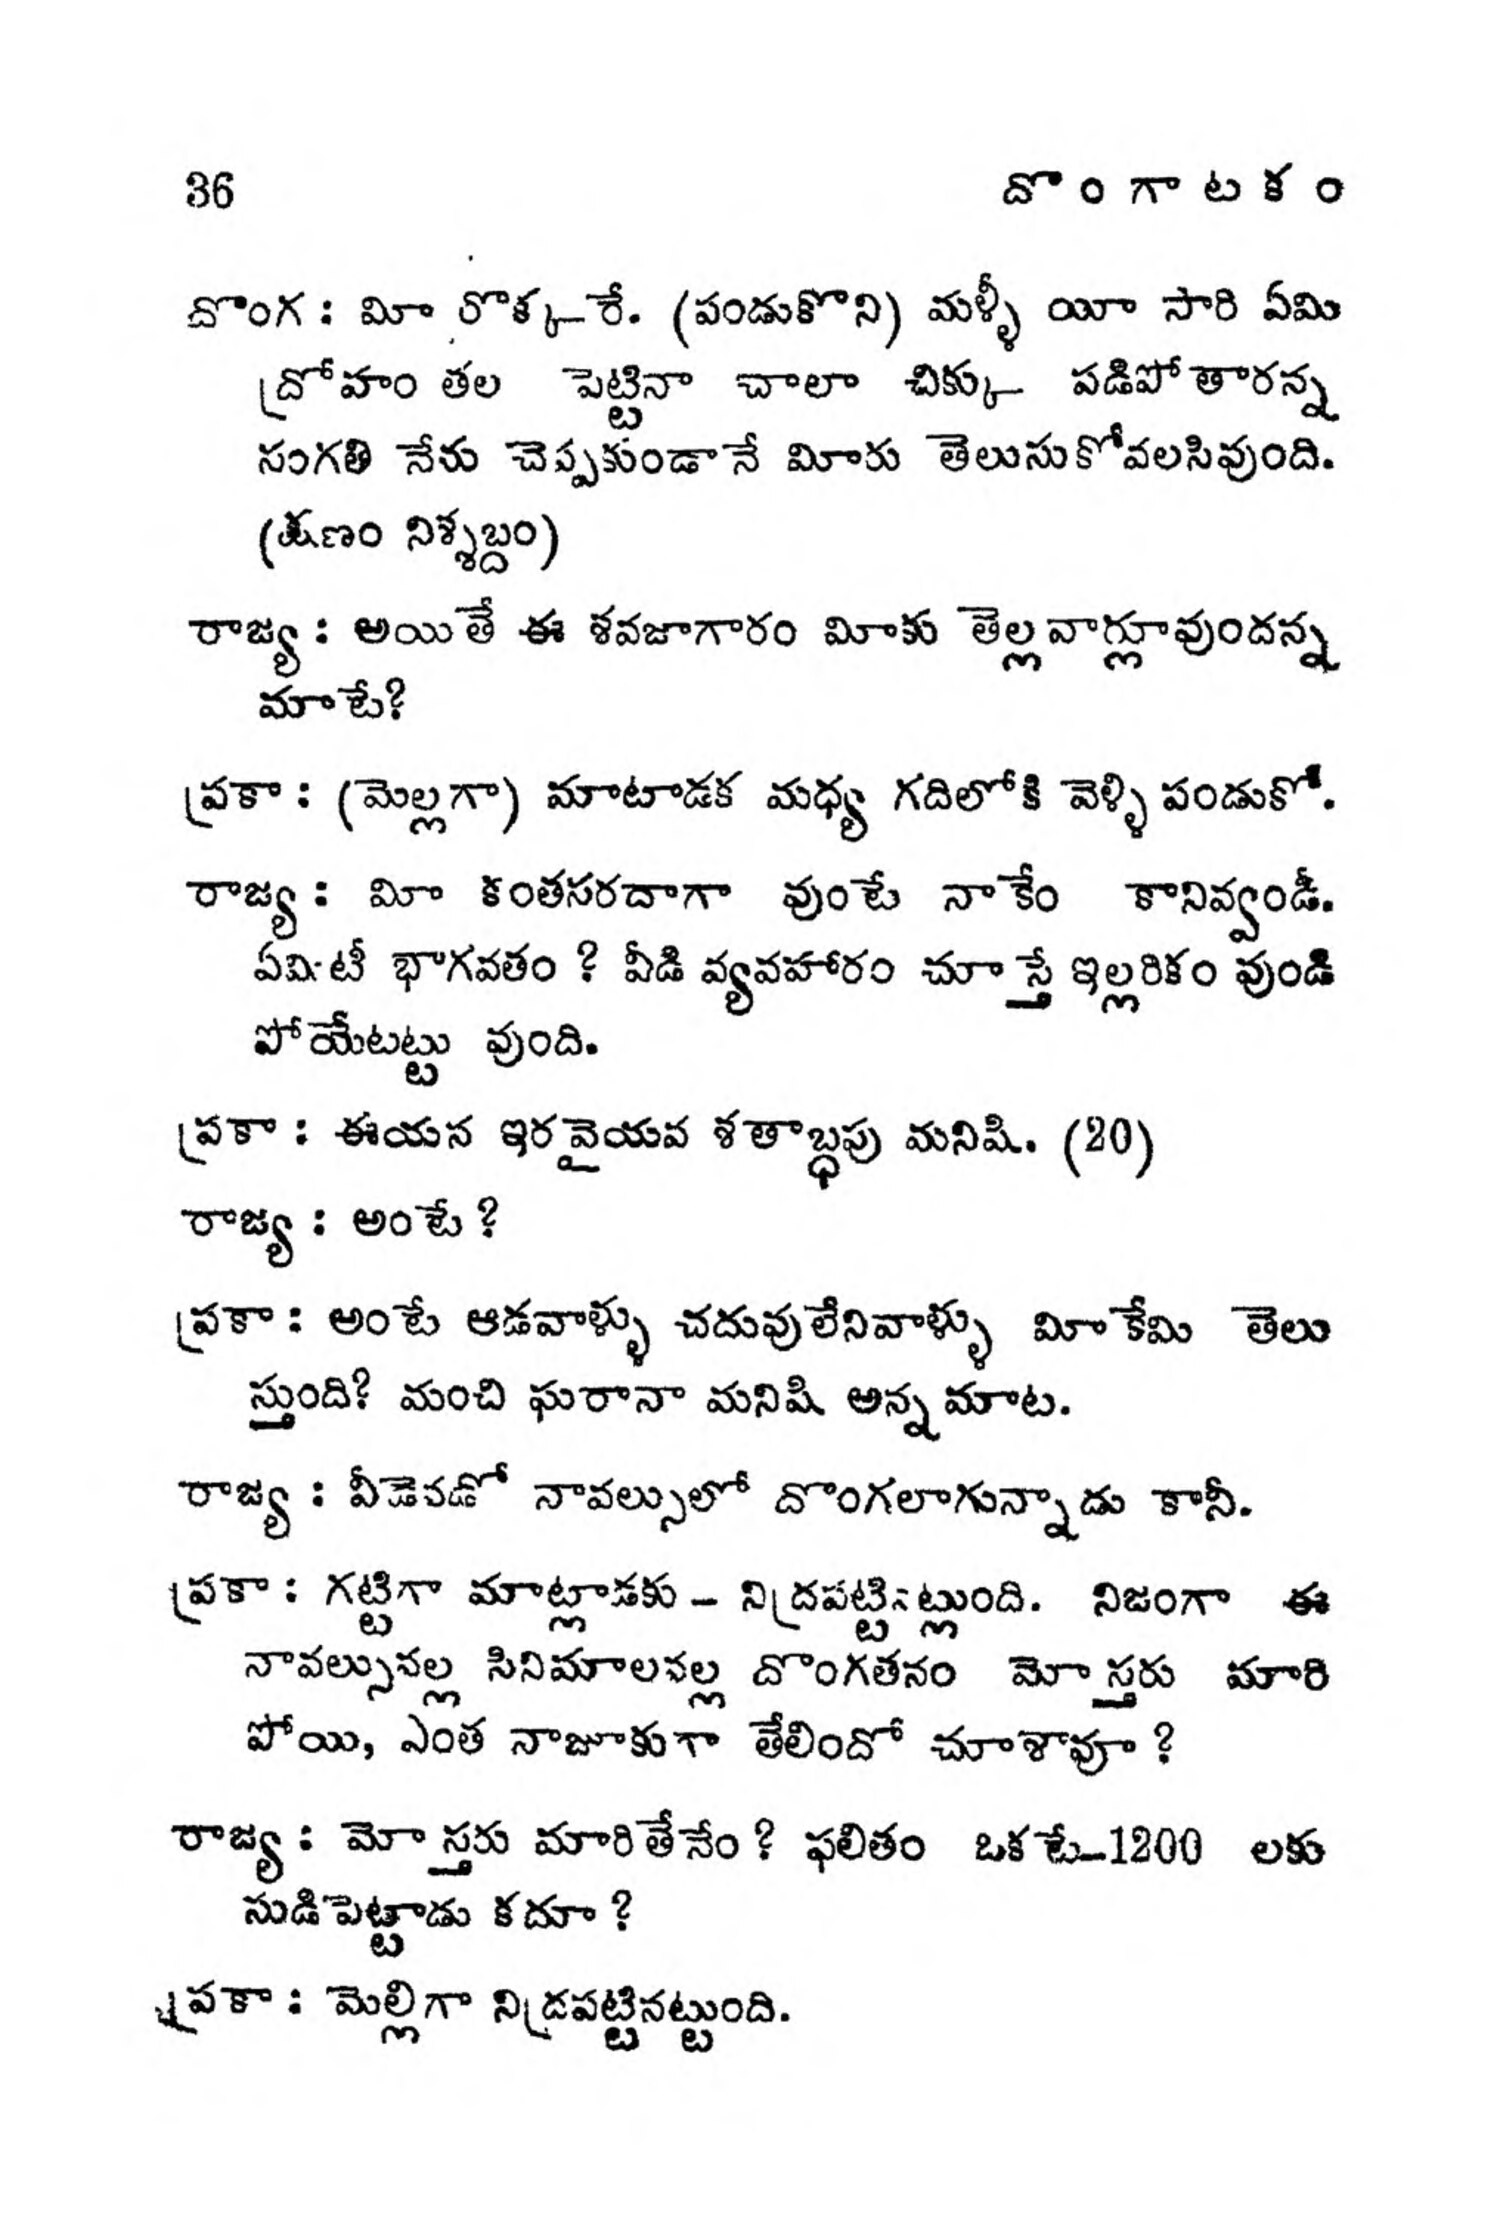దొంగ : మీ రొక్కరే. (పండుకొని) మళ్ళీ యీ సారి ఏమి ద్రోహం తల పెట్టినా చాలా చిక్కు పడిపోతారన్న సంగతి నేను చెప్పకుండానే మీరు తెలుసుకోవలసివుంది. (క్షణం నిశ్శబ్దం)

రాజ్య : అయితే ఈ శవజాగారం మీకు తెల్లవార్లూవుందన్న మాటే ?

ప్రకా : (మెల్లగా) మాటాడక మధ్య గదిలోకి వెళ్ళి పండుకో.

రాజ్య : మీ కంతసరదాగా వుంటే నాకేం కానివ్వండీ. ఏమిటీ భాగవతం ? వీడి వ్యవహారం చూస్తే ఇల్లరికం వుండి
పోయేటట్టు వుంది.

ప్రకా : ఈయన ఇరవైయవ శతాబ్ధపు మనిషి. (20)

రాజ్య : అంటే?

ప్రకా : అంటే ఆడవాళ్ళు చదువులేనివాళ్ళు మీకేమి తెలుస్తుంది? మంచి ఘరానా మనిషి అన్న మాట.

రాజ్య : వీడెవడో నావల్సులో దొంగలాగున్నాడు కానీ.

ప్రకా : గట్టిగా మాట్లాడకు - నిద్రపట్టినట్లుంది. నిజంగా ఈ నావల్సువల్ల సినిమాలవల్ల దొంగతనం మోస్తరు మారిపోయి, ఎంత నాజూకుగా తేలిందో చూశావూ ?

రాజ్య : మోస్తరు మారితేనేం? ఫలితం ఒకటే—1200 లకు సుడిపెట్టాడు కదూ?

ప్రకా : మెల్లిగా నిద్రపట్టినట్టుంది.